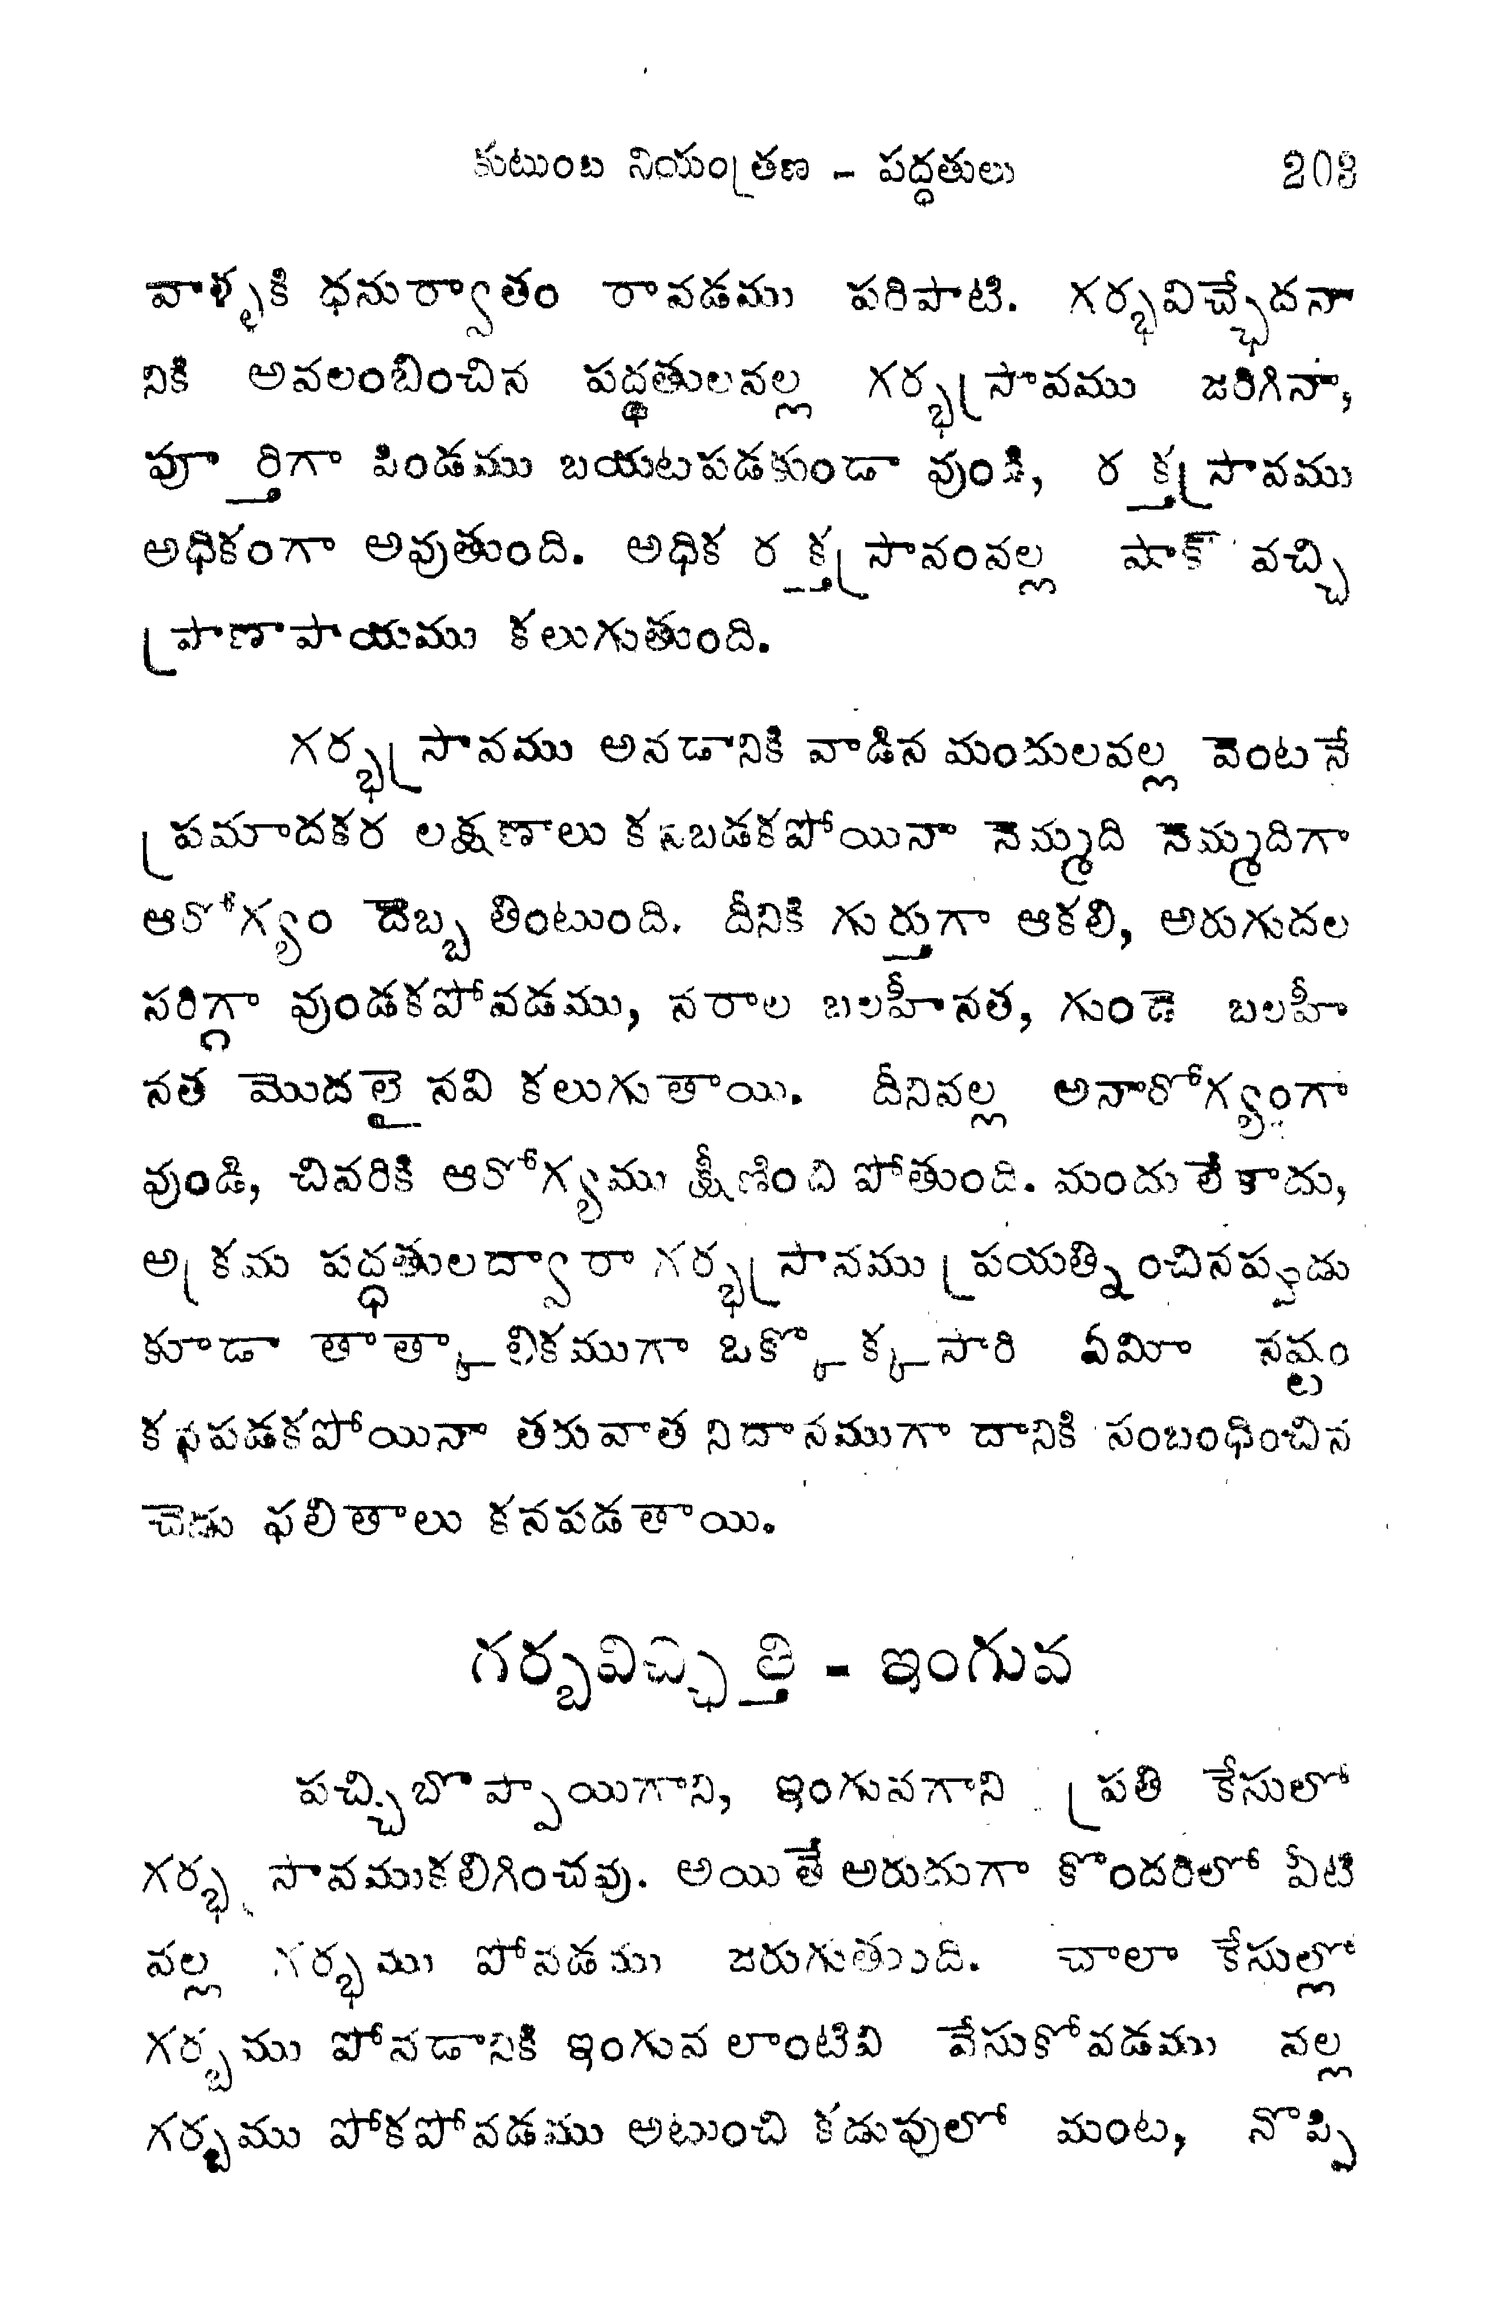వాళ్ళకి ధనుర్వాతం రావడము పరిపాటి. గర్భచిచ్ఛేదనానికి అవలంబించిన పద్దతులవల్ల గర్భస్రావము జరిగినా, పూర్తిగా పిండము బయటపడకుండా వుండి, రక్తస్రావము అధికంగా అవుతుంది. అధిక రక్తస్రావంవల్ల షాక్ వచ్చి ప్రాణాపాయము కలుగుతుంది.

గర్భస్రావము అవడానికి వాడిన మందులవల్ల వెంటనే ప్రమాదకర లక్షణాలు కనబడకపోయినా నెమ్మది నెమ్మదిగా ఆరోగ్యం దెబ్బ తింటుంది. దీనికి గుర్తుగా ఆకలి, అరుగుదల సరిగ్గా వుండకపోవడము, నరాల బలహీనత, గుండె బలహీనత మొదలైనవి కలుగుతాయి. దీనివల్ల అనారోగ్యంగా వుండి, చివరికి ఆరోగ్యము క్షీణించి పోతుంది. మందులేకాదు, అక్రమ పద్దతులద్వారా గర్భస్రావము ప్రయత్నించినప్పుడు కూడా తత్కాలికముగా ఒక్కొక్కసారి ఏమీ నష్టం కనపడకపోయినా తరువాత నిదానముగా దానికి సంబందించిన చెడు ఫలితాలు కనపడతాయి.

పచ్చిబొప్పాయిగాని, ఇంగువగాని ప్రతి కేసులో గర్భస్రావముకలిగించవు. అయితే అరుదుగా కొందరిలో వీటివల్ల గర్భము పోవడము జరుగుతుంది. చాలాకేసుల్లో గర్భము పోవడానికి ఇంగువ లాంటివి వేసుకోవడము వల్ల గర్భము పోకపోవడము అటుంచి కడుపులో మంట, నొప్పి